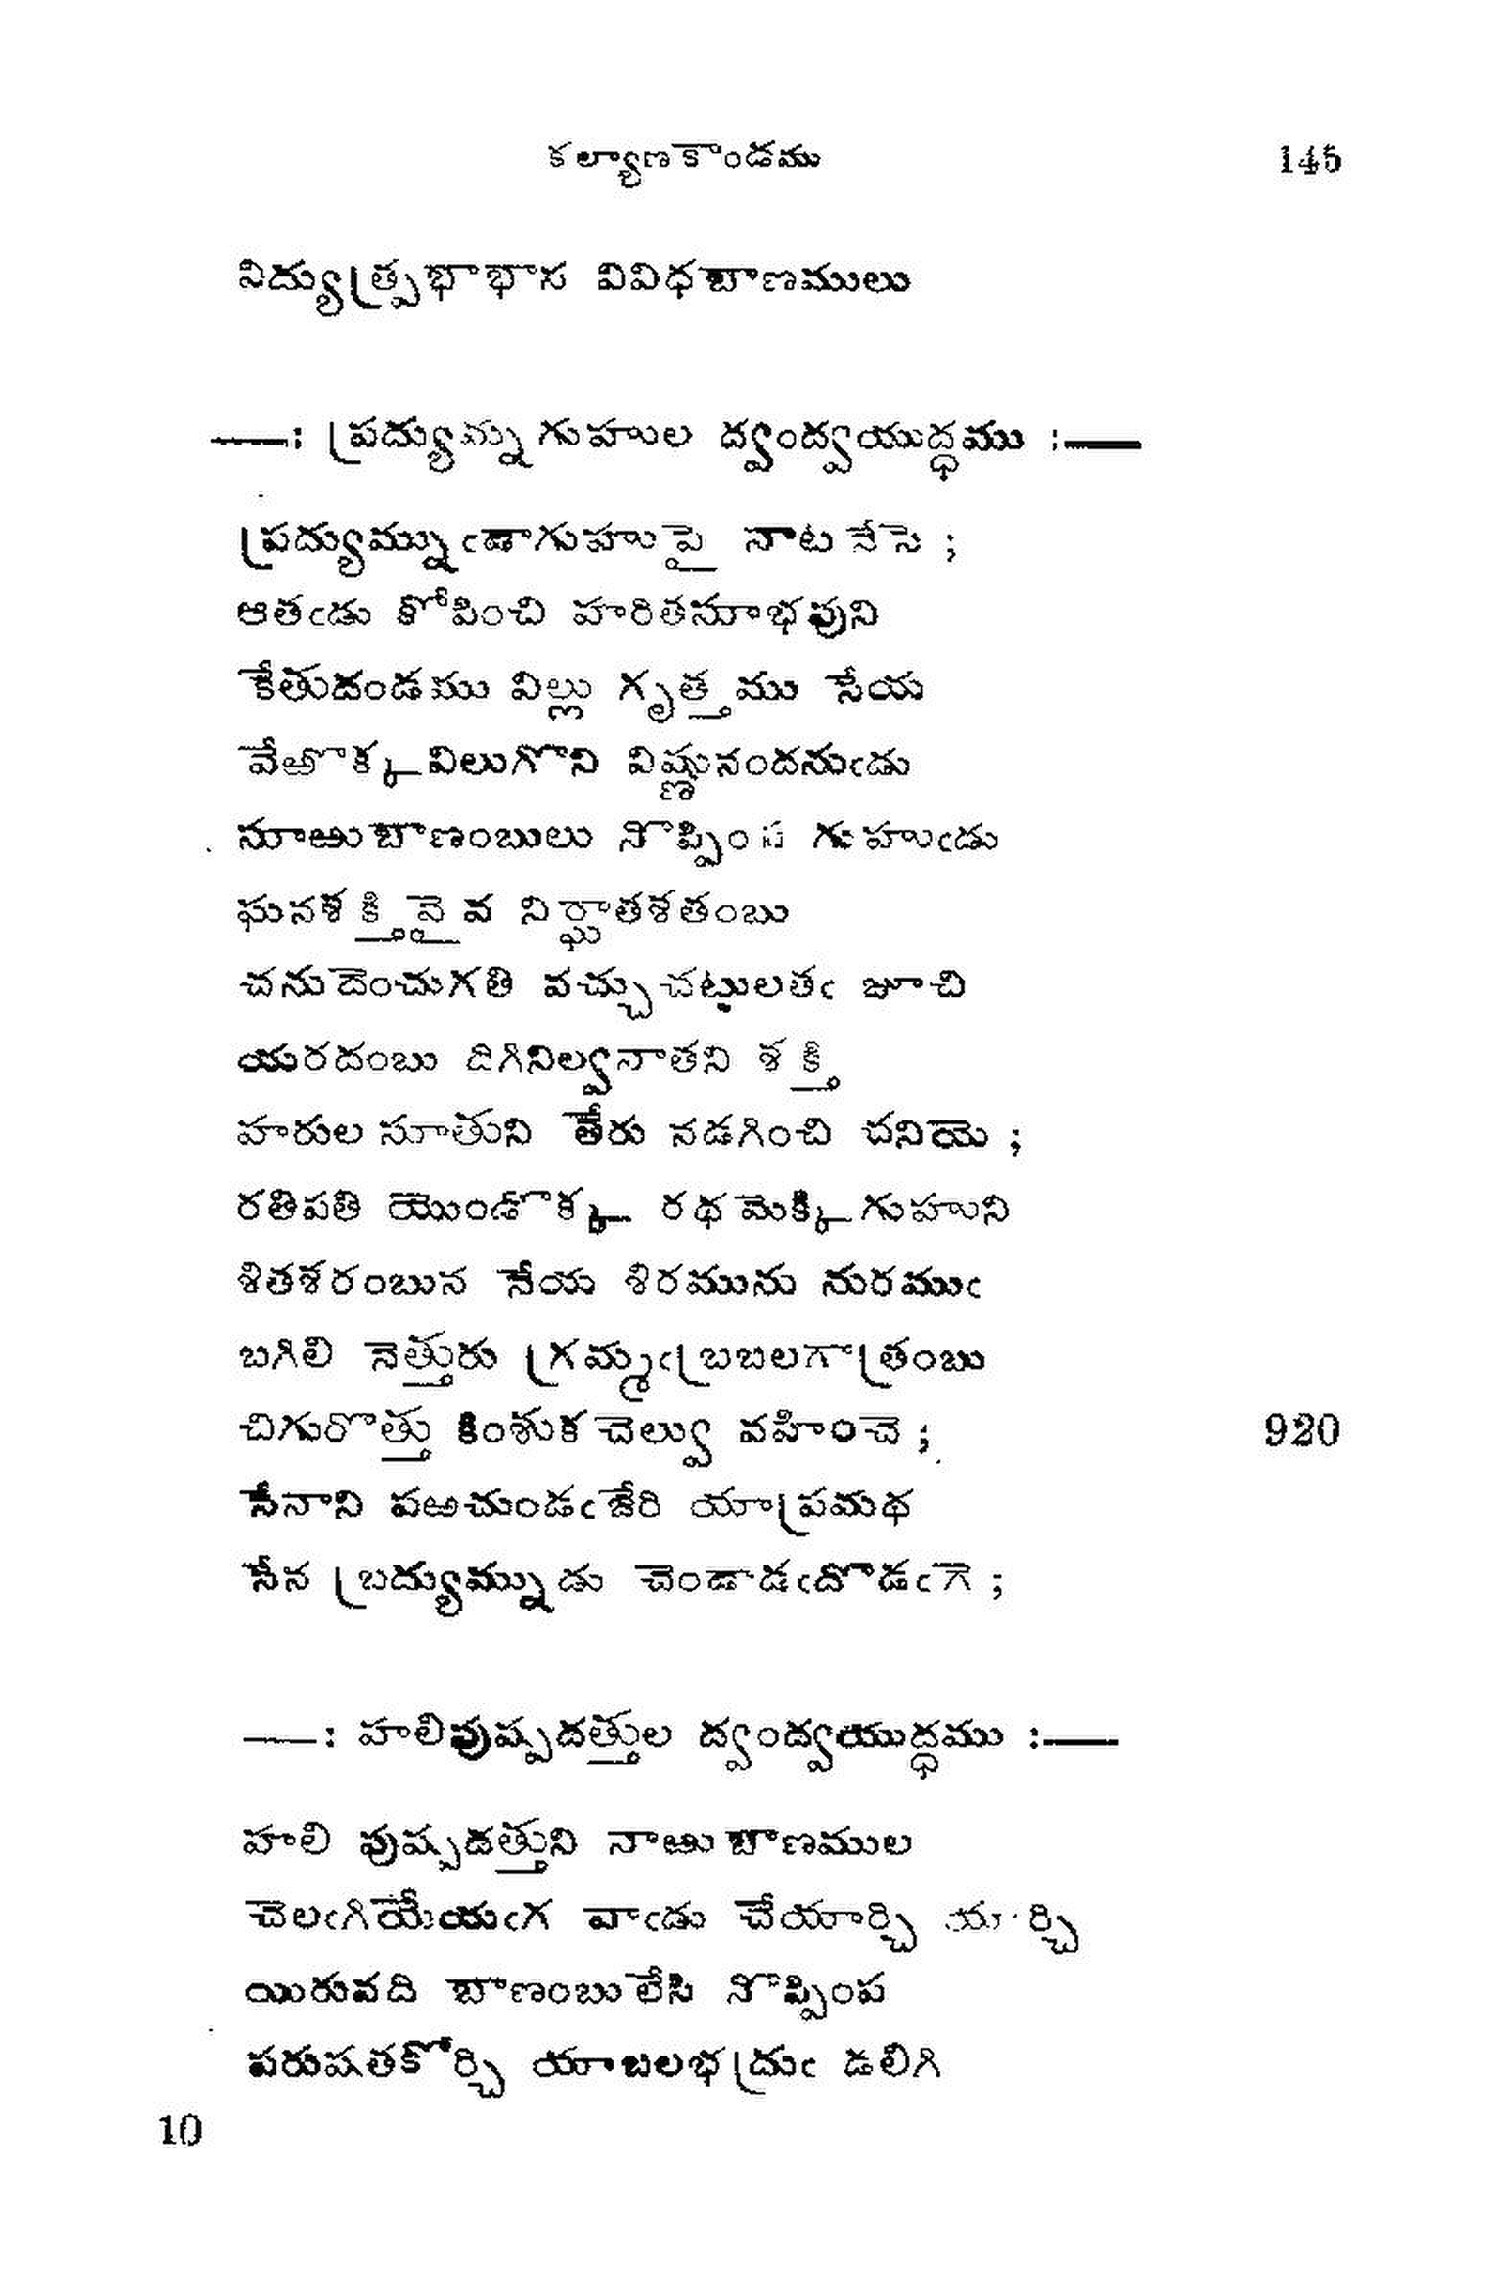విద్యుత్ప్రభాభాస వివిధబాణములు

ప్రద్యుమ్నుఁడాగుహుపై నాటసేసె; 
ఆతఁడు కోపించి హరితనూభవుని
కేతుదండము విల్లు గృత్తము సేయ 
వేఱొక్క విలుగొని విష్ణునందనుఁడు
నూఱుబాణంబులు నొప్పింప గుహుఁడు
ఘనశక్తివైవ నిర్ఘాతశతంబు
చనుదెంచుగతి వచ్చు చటులతఁజూచి
యరదంబు దిగినిల్వనాతని శక్తి
హరుల సూతుని తేరు నడగించి చనియె; 
రతిపతి యొండొక్క రథమెక్కి గుహుని
శితిశరంబున నేయశిరమును నురముఁ
బగిలి నెత్తురు గ్రమ్మఁబబలగాత్రంబు
చిగురొత్తు కింశుకచెల్వు వహించె;
సేనాని పఱచుండఁజేరి యాప్రమథ
సేన బ్రద్యుమ్నుఁడు చెండాడఁదొడఁగె; 

హలి పుష్పదత్తుని నాఱుబాణముల
చెలఁగియేయఁగ వాఁడు చేయార్చి యార్చి
యిరువది బాణంబులేసి నొప్పింప
పరుషతకోర్చి యాబలభద్రుఁ డలిగి